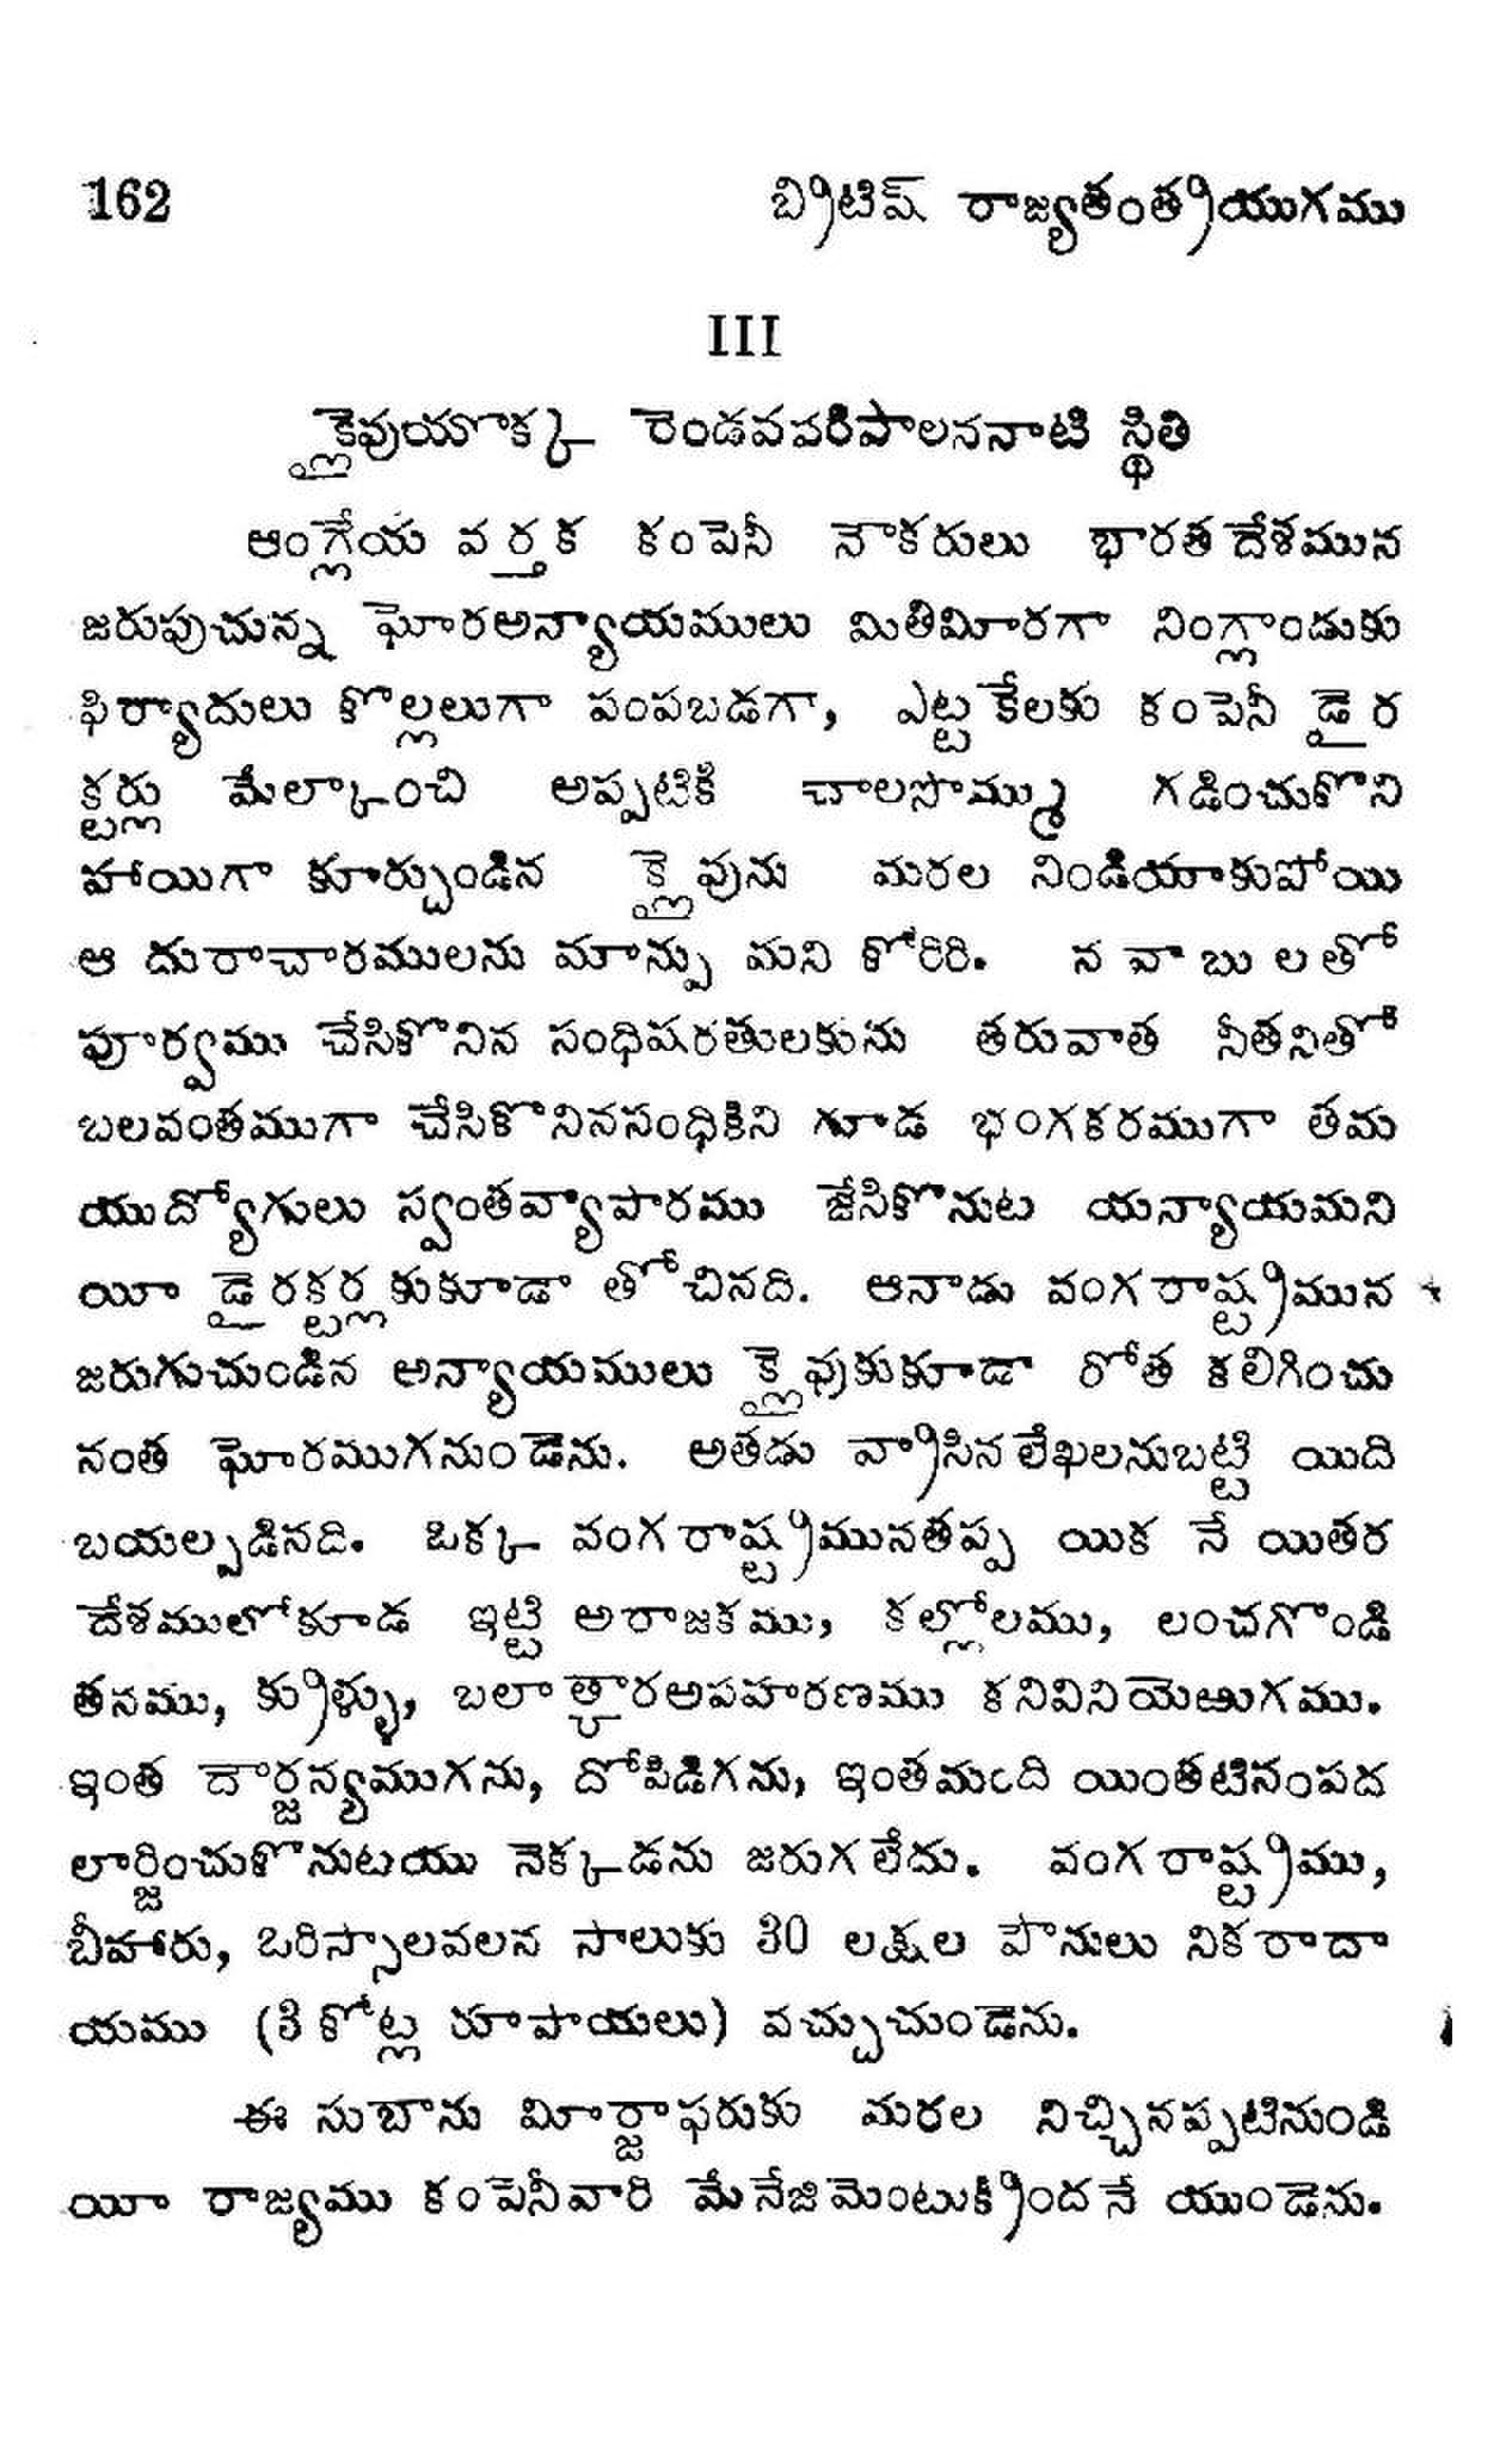III
క్లైవుయొక్క రెండవపరిపాలననాటి స్థితి

ఆంగ్లేయ వర్తక కంపెనీ నౌకరులు భారతదేశమున జరుపుచున్న ఘోరఅన్యాయములు మితిమీరగా నింగ్లాండుకు ఫిర్యాదులు కొల్లలుగా పంపబడగా, ఎట్టకేలకు కంపెనీ డైరక్టర్లు మేల్కాంచి అప్పటికి చాలసొమ్ము గడించుకొని హాయిగా కూర్చుండిన క్లైవును మరల నిండియాకుపోయి ఆ దురాచారములను మాన్పు మని కోరిరి. నవాబులతో పూర్వము చేసికొనిన సంధిషరతులకును తరువాత నీతనితో బలవంతముగా చేసికొనినసంధికిని గూడ భంగకరముగా తమ యుద్యోగులు స్వంతవ్యాపారము జేసికొనుట యన్యాయమని యీ డైరక్టర్లకుకూడా తోచినది. ఆనాడు వంగరాష్ట్రమున జరుగుచుండిన అన్యాయములు క్లైవుకుకూడా రోత కలిగించునంత ఘోరముగనుండెను. అతడు వ్రాసినలేఖలనుబట్టి యిది బయల్పడినది. ఒక్క వంగరాష్ట్రమునతప్ప యిక నే యితర దేశములోకూడ ఇట్టి అరాజకము, కల్లోలము, లంచగొండి తనము, క్రుళ్ళు, బలాత్కారఅపహరణము కనివిని యెఱుగము. ఇంత దౌర్జన్యముగను, దోపిడిగను, ఇంతమంది యింతటినంపద లార్జించుకొనుటయు నెక్కడను జరుగలేదు. వంగరాష్ట్రము, బీహారు, ఒరిస్సాలవలన సాలుకు 30 లక్షల పౌనులు నికరాదాయము (3 కోట్ల రూపాయలు) వచ్చుచుండెను.

ఈ సుబాను మీర్జాఫరుకు మరల నిచ్చినప్పటినుండి యీ రాజ్యము కంపెనీవారి మేనేజిమెంటుక్రిందనే యుండెను.
.